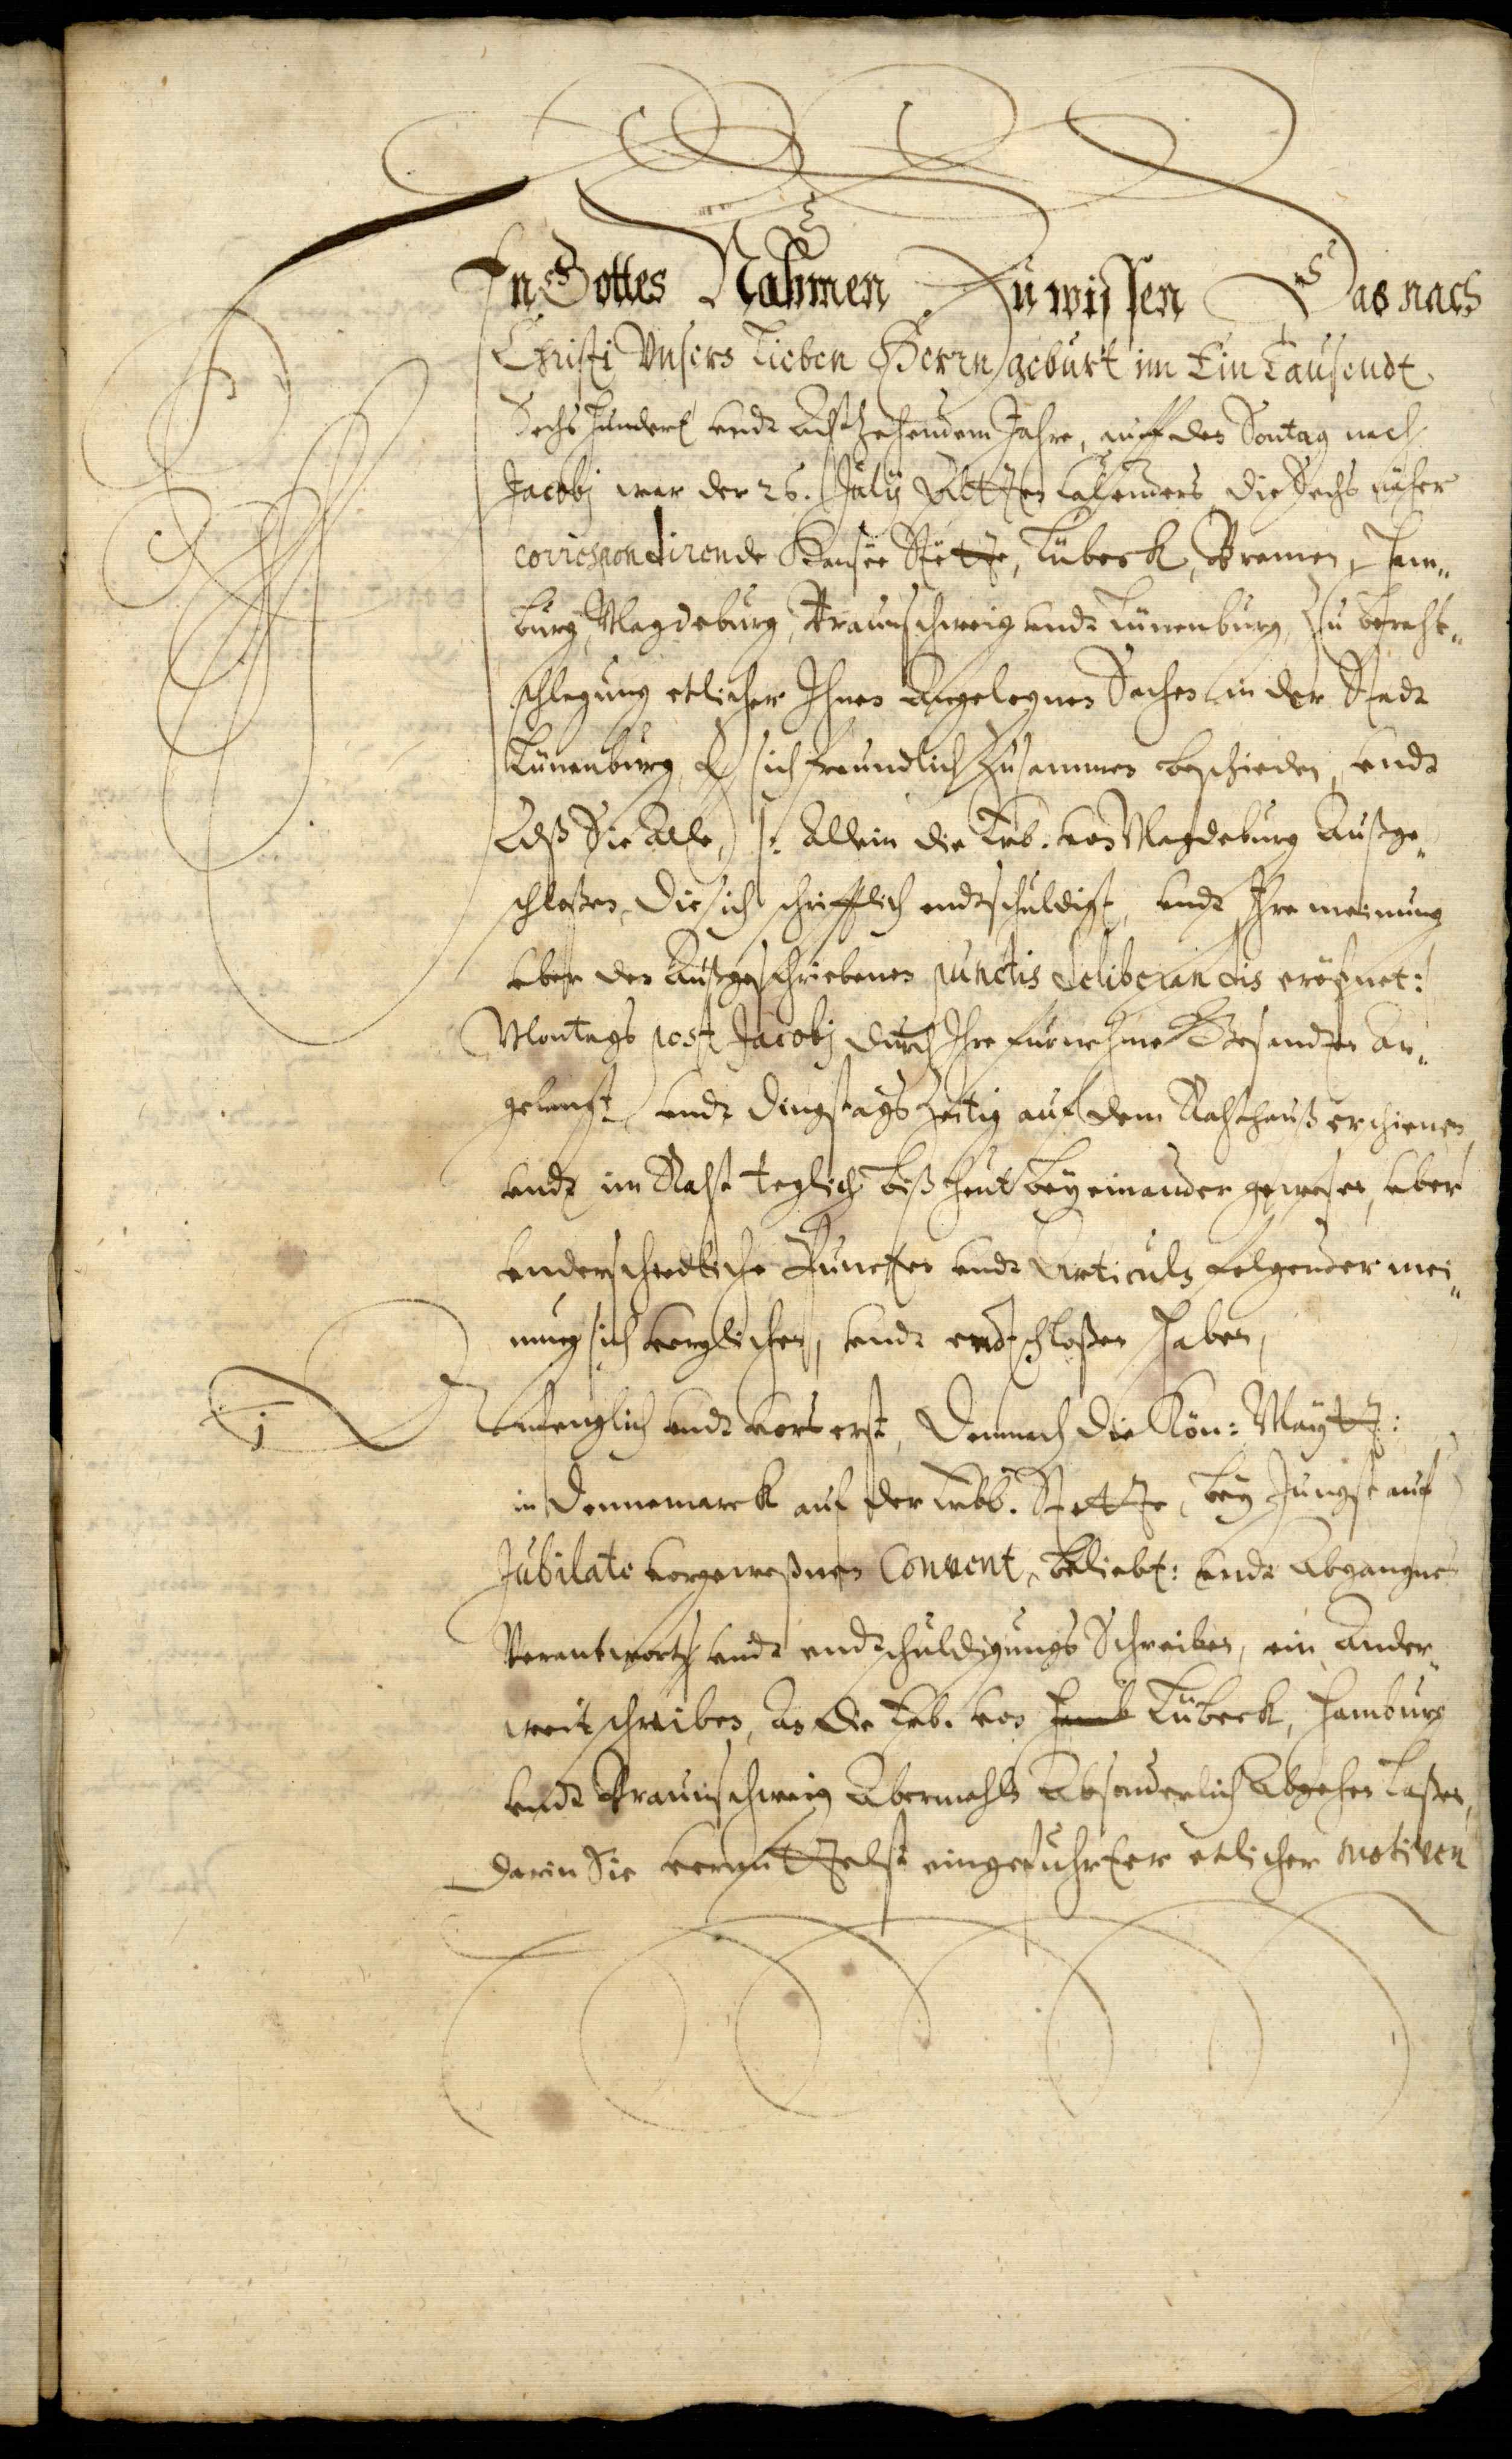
In Gottes Nahmen, Zu wissen Das nach
Christi Vnsers Lieben Herrn geburt im Ein Tausendt
Sechshundert vndt Achtzehendem Jahre, auff den Sontag nach
Jacobj war der 26. Julij Altten Calenders, die Sechs näher
correspondirende Hansee Stette, Lübeck, Bremen, Ham¬
burg, Magdeburg, Braunschweig vndt Lünenburg, Zu beraht¬
schlegung etlicher Ihnen Angelegnen Sachen in der Stadt
Lünenburg, z sich freundlich zusammen beschieden, vndt
Alß Sie Alle, (: Allein die Erb. von Magdeburg Außge¬
schloßen, die sich schrifftlich endtschuldigt, vndt Ihre meinung
vber den Außgeschriebenen punctis deliberandis eröfnet:)
Montags post Jacobj durch Ihre furnehme Gesandten an¬
gelangt, vndt dingstags zeitig auf dem Rahthauß erschienen,
vndt im Raht teglich biß heut beij einander gewesen, vber
vnderschiedliche Puncten vndt Articuln folgender mei¬
nung sich vorglichen, vndt enndtschloßen haben,
1
Anfenglich vndt vors erst, demnach die Kön: Maijtt:
in Dennemarck auf der Erbb. Stette, beij jungst auf
Jubilate vorgeweßnen Convent, beliebt: vndt Abgangne
Verantworts vndt endtschuldigungs Schreiben, ein Ander¬
weit schreiben, An Die Erb. von Hamb Lübeck, Hamburg
vndt Braunschweig Abermahls Absonderlich Abgehen laßen,
darin Sie vermittelst eingefuhrter etlicher motiven
